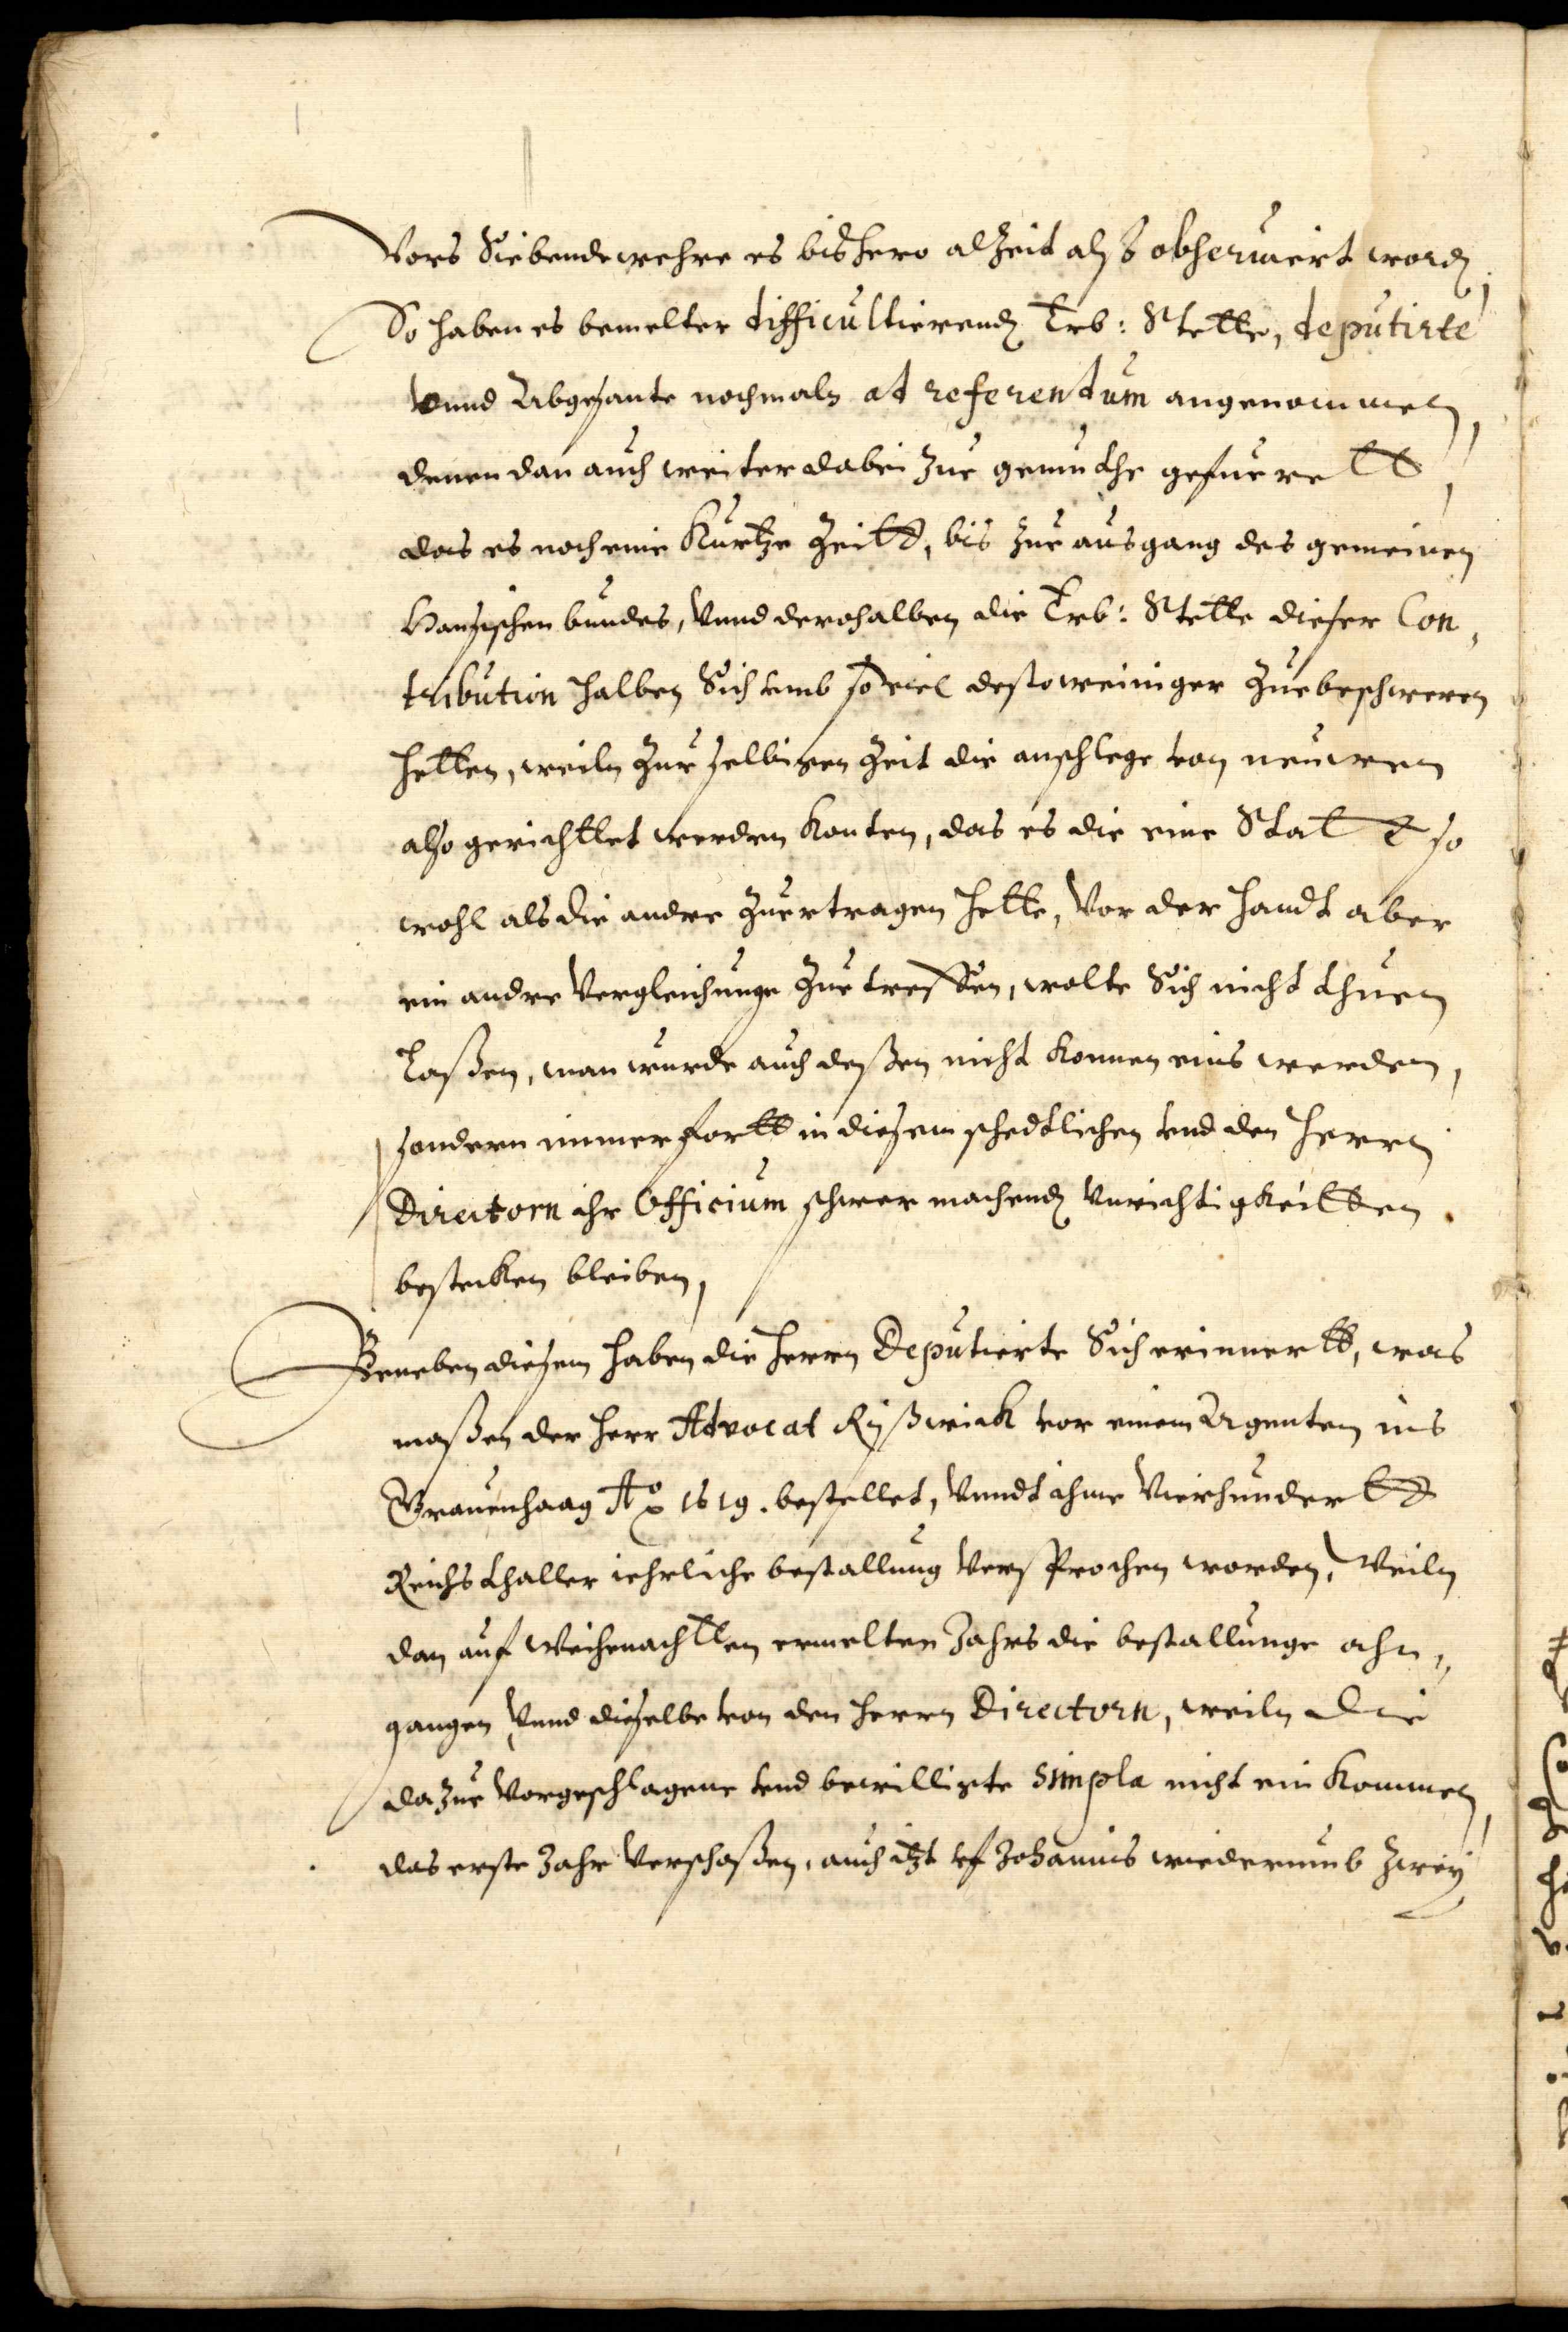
Vors Siebende wehre es bishero alzeit also obseruiert worden,
So haben es bemelter difficultierenden Erb: Stette, deputirte
vnnd Abgesante nochmaln ad referendum angenommen,
denen dan auch weiter dabei zue gemuthe gefuerett,
das es noch eine Kurtze Zeitt, bis zue ausgang des gemeinen
Hansischen bundes, Vnnd derohalben die Erb: Stette dieser Con¬
tribution halben Sich vmb so viel destoweiniger zue beschweren
hetten, weiln zur selbigen zeit die anschlege von neuwen
also gerichttet werden konten, das es die eine Statt so
wohl als die andre zuertragen hette, Vor der handt aber
nie andre Vergleichunge zue treffen, wolte Sich nicht thuen
Laßen, man wurde auch deßen nicht konnen eins werden,
sondern immer fortt in diesem schedtlichen vnd den herrn
Directorn ihr Officium schwer machenden Vnrichtigkeitten
bestecken bleiben,
Beneben diesem haben die herrn Deputierte Sich erinnertt, was
maßen der herr Advocat Rijßwick vor einem Agenten ins
Grauenhaag Aop 1619. bestellet, Vnndt ihme Vierhundertt
Reichsthaller iehrliche bestallung Versprochen worden, Weiln
dan auf Weihenachtten ermelten Jahrs die bestallunge ahn¬
gangen, Vnnd dieselbe von den herrn Directorn, weiln die
da zue Vorgeschlagene vnd bewilligte simpla nicht ein kommen,
das erste Iahr Verschoßen, auch itzt vf Iohannis wiederumb Zweij
